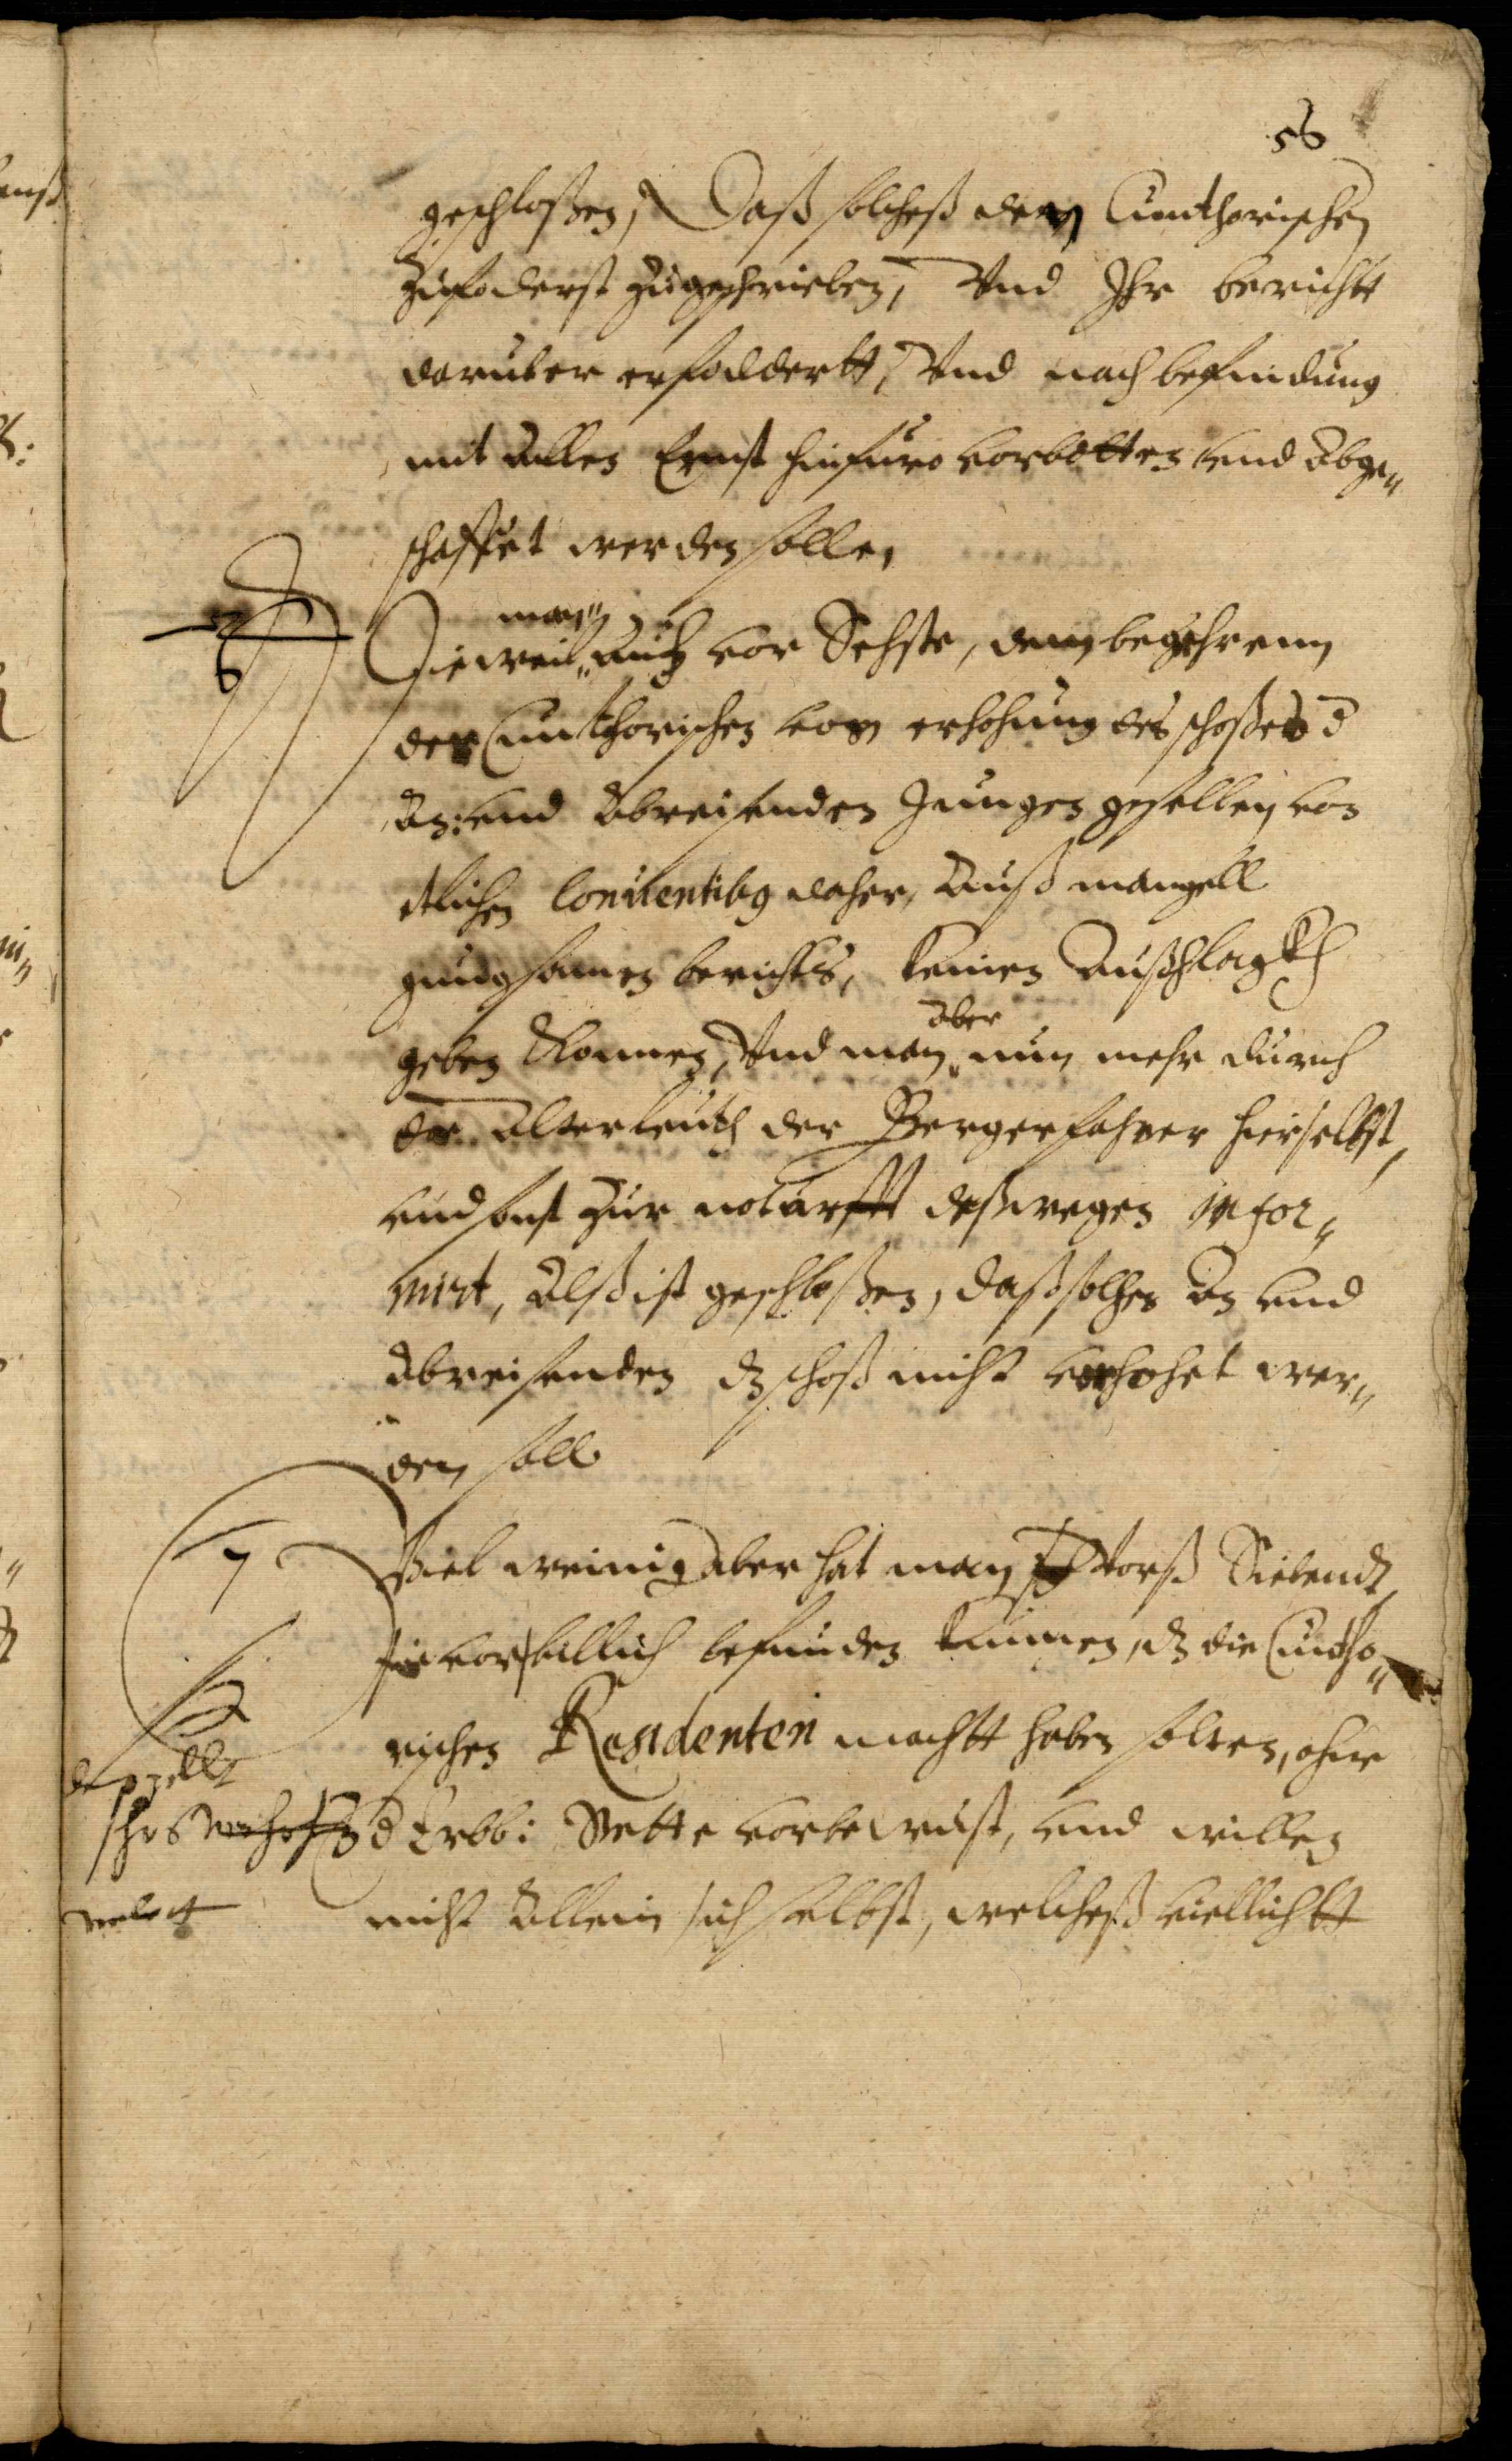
56
geschloßen, daß solcheß denn Cunthorischen
zufoderst zugeschrieben, Vnd Ihr berichtt
daruber erfoddertt, Vnd nach befindung
mit Allen Ernst hinfuro vorbotten vnnd Abge¬
schaffet werden solle,
6
Dieweil man Auch vor Sehste, dem begehrenn
der Cunthorischen von erhohung des schoßes der
An: vnd Abreisenden Jungen gesellen, von
etlichen Conuentibus daher, Auß mangell
gudsamen berichtes, Keinen Außschlagkh
geben konnen, Vnd man aber nun mehr durch
die Alterleuth der Bergerfahrer hierselbst,
vnd sonst zur noturfft deßwegen infor¬
mirt, Alß ist geschloßen, daß solchen An vnd
Abreisenden das schoß nicht vorhohet wer¬
den soll
7
Viel weiniger aber hat man sich Vorß Siebendt,
sie vor billich befunden kunnen, das die Cuntho¬
rischen Residenten machtt haben solten, ohne
der Erbb: Stette vorbewust, vnd willen
nicht Allein sich selbst, welcheß viellichtt
dfpellt
hes verhofs
nelett
